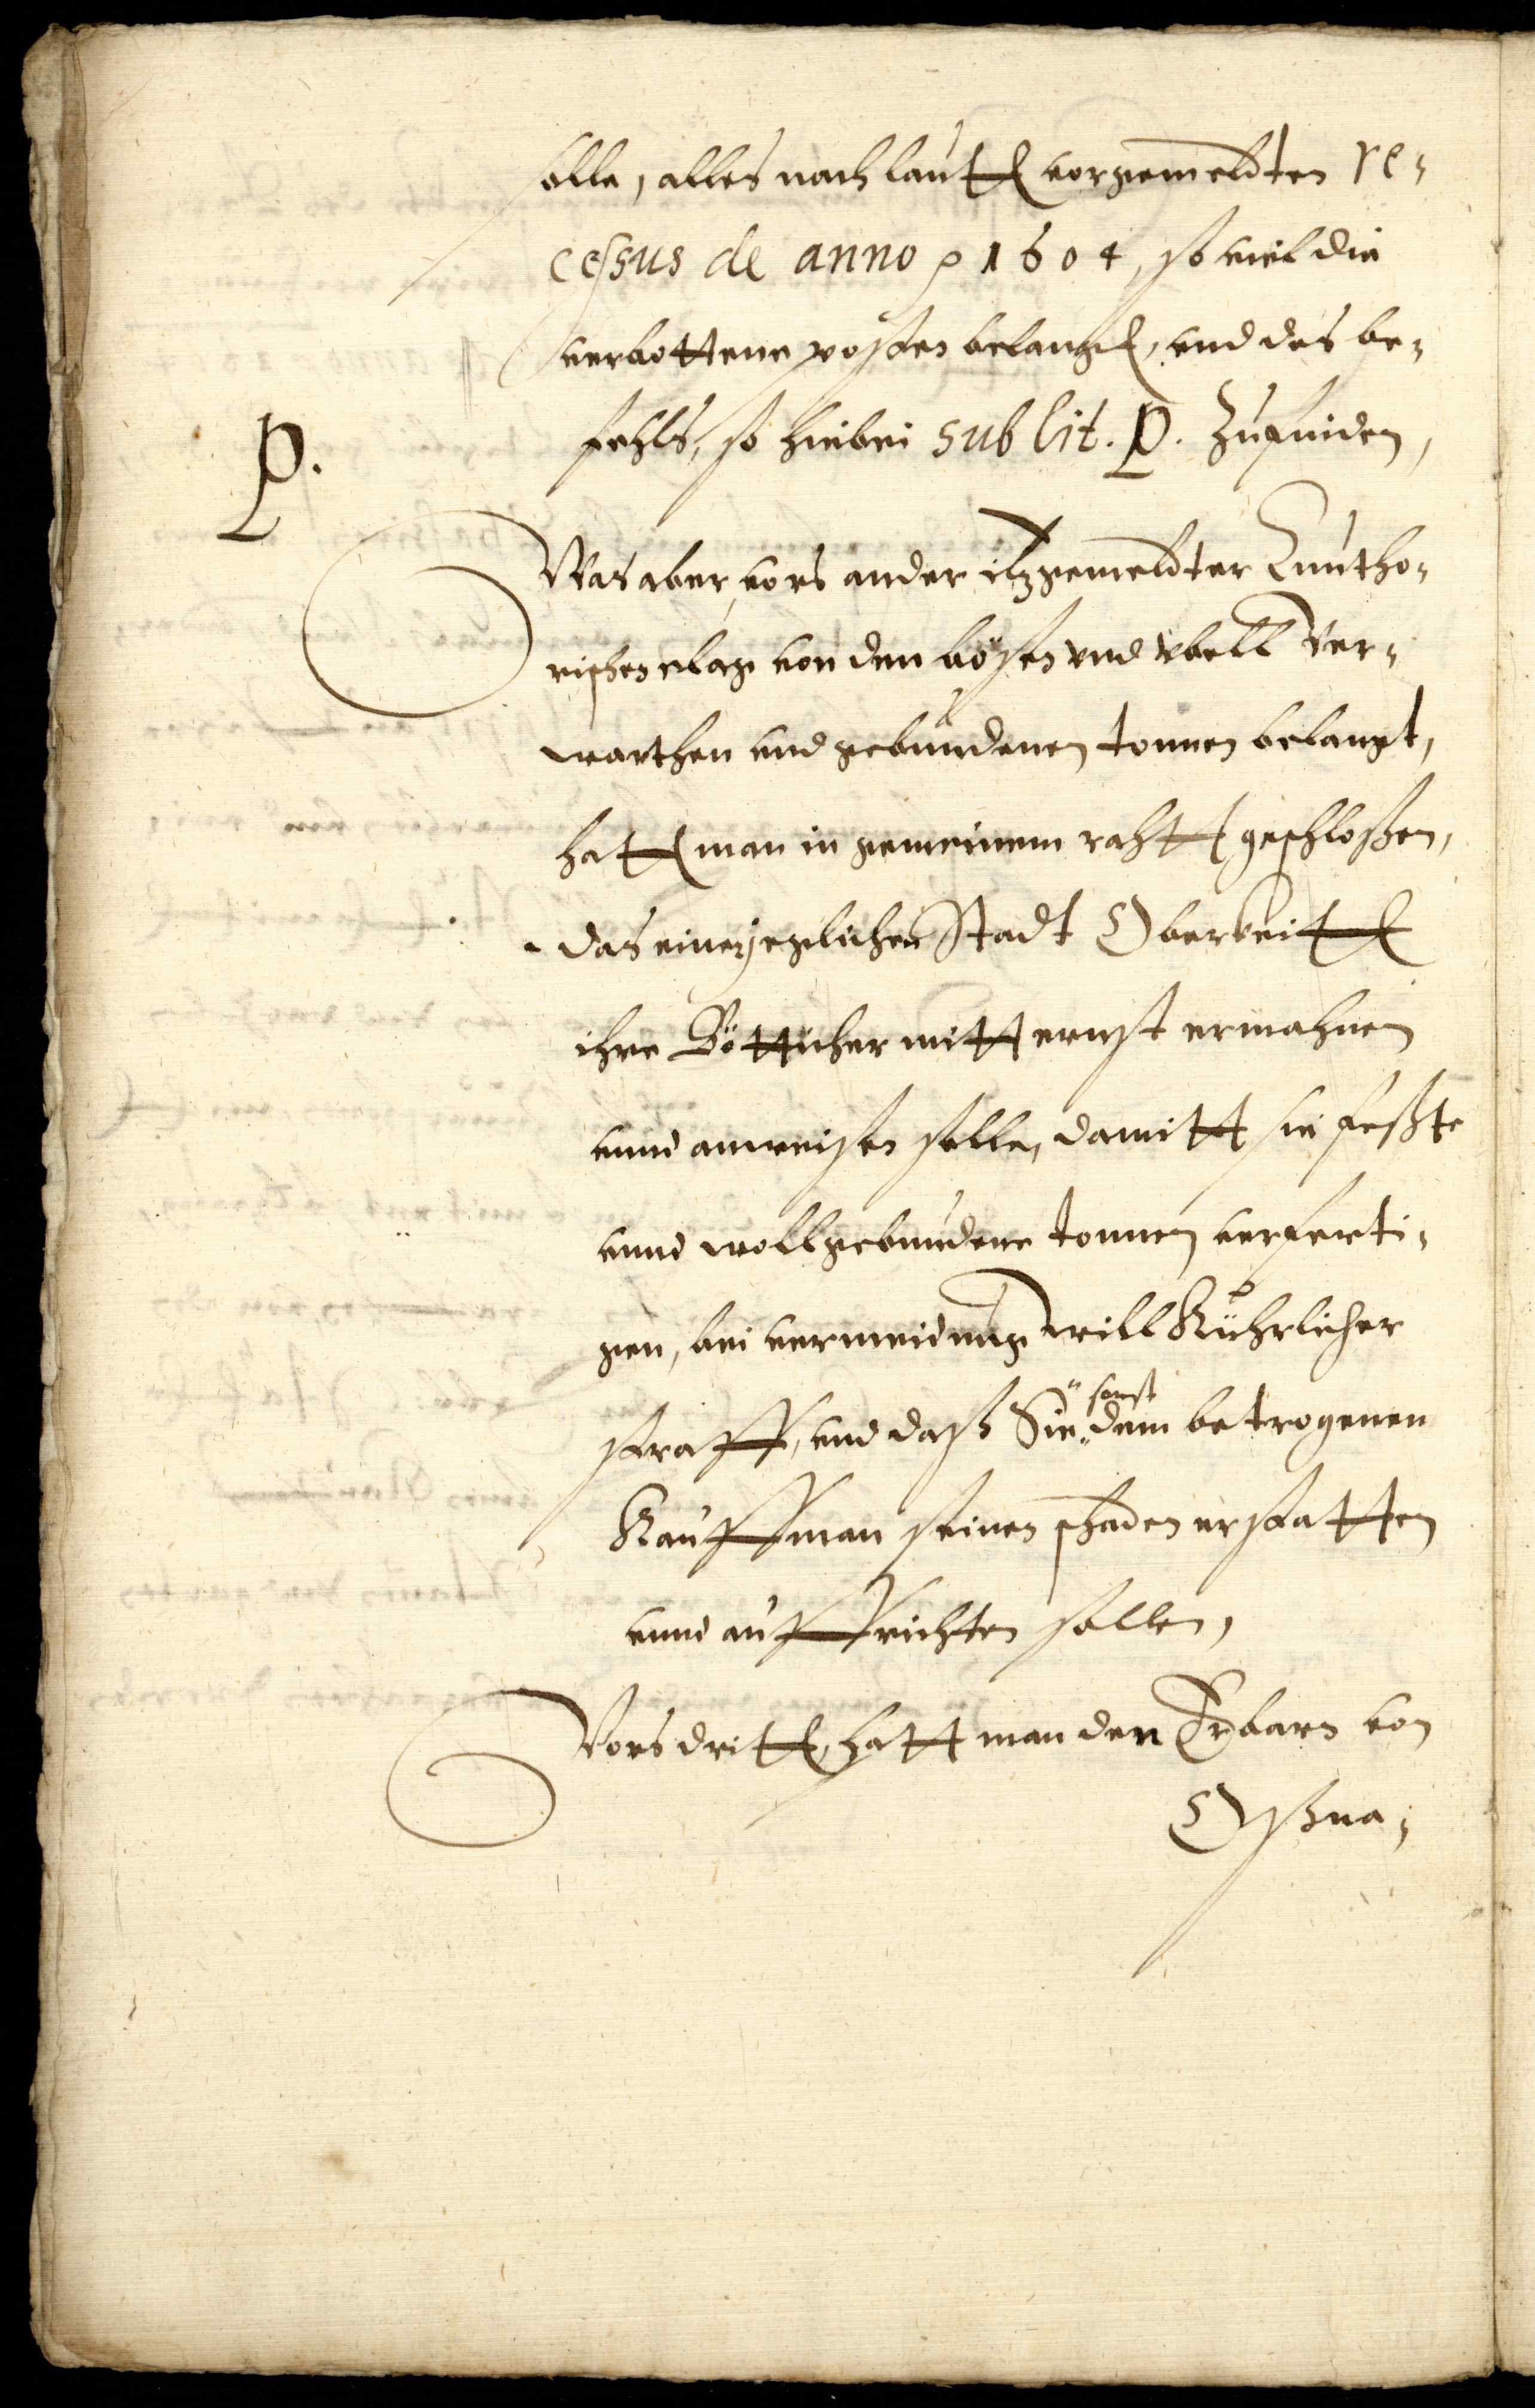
P.
solle, alles nach lautt vorgemeldten re¬
cessus de anno p 1604, so viel die
verbottene posten belanget, vnd des be¬
fehls, so hiebei sub lit. P . Zufinden,
Was aber vors ander itzgemeldter Cuntho¬
rischen clage von den bösen vnd vbell Ver¬
warthen vnd gebundenen tonnen belangt,
hatt man in gemeinem rahtt geschloßen,
das einer jeglichen Stadt Oberkeitt
ihre Bötticher mitt ernst ermahnen
vnnd anweisen solle, damitt sie feßte
vnnd wollgebundene tonnen verferti¬
gen, bei vermeidung WillKührlicher
* sonst
straff, vnd daß Sie * dem betrogenen
Kauffman seinen schaden erstatten
vnnd auffrichten sollen,
Vors dritt, hatt man den Erbarn von
Oßna¬
